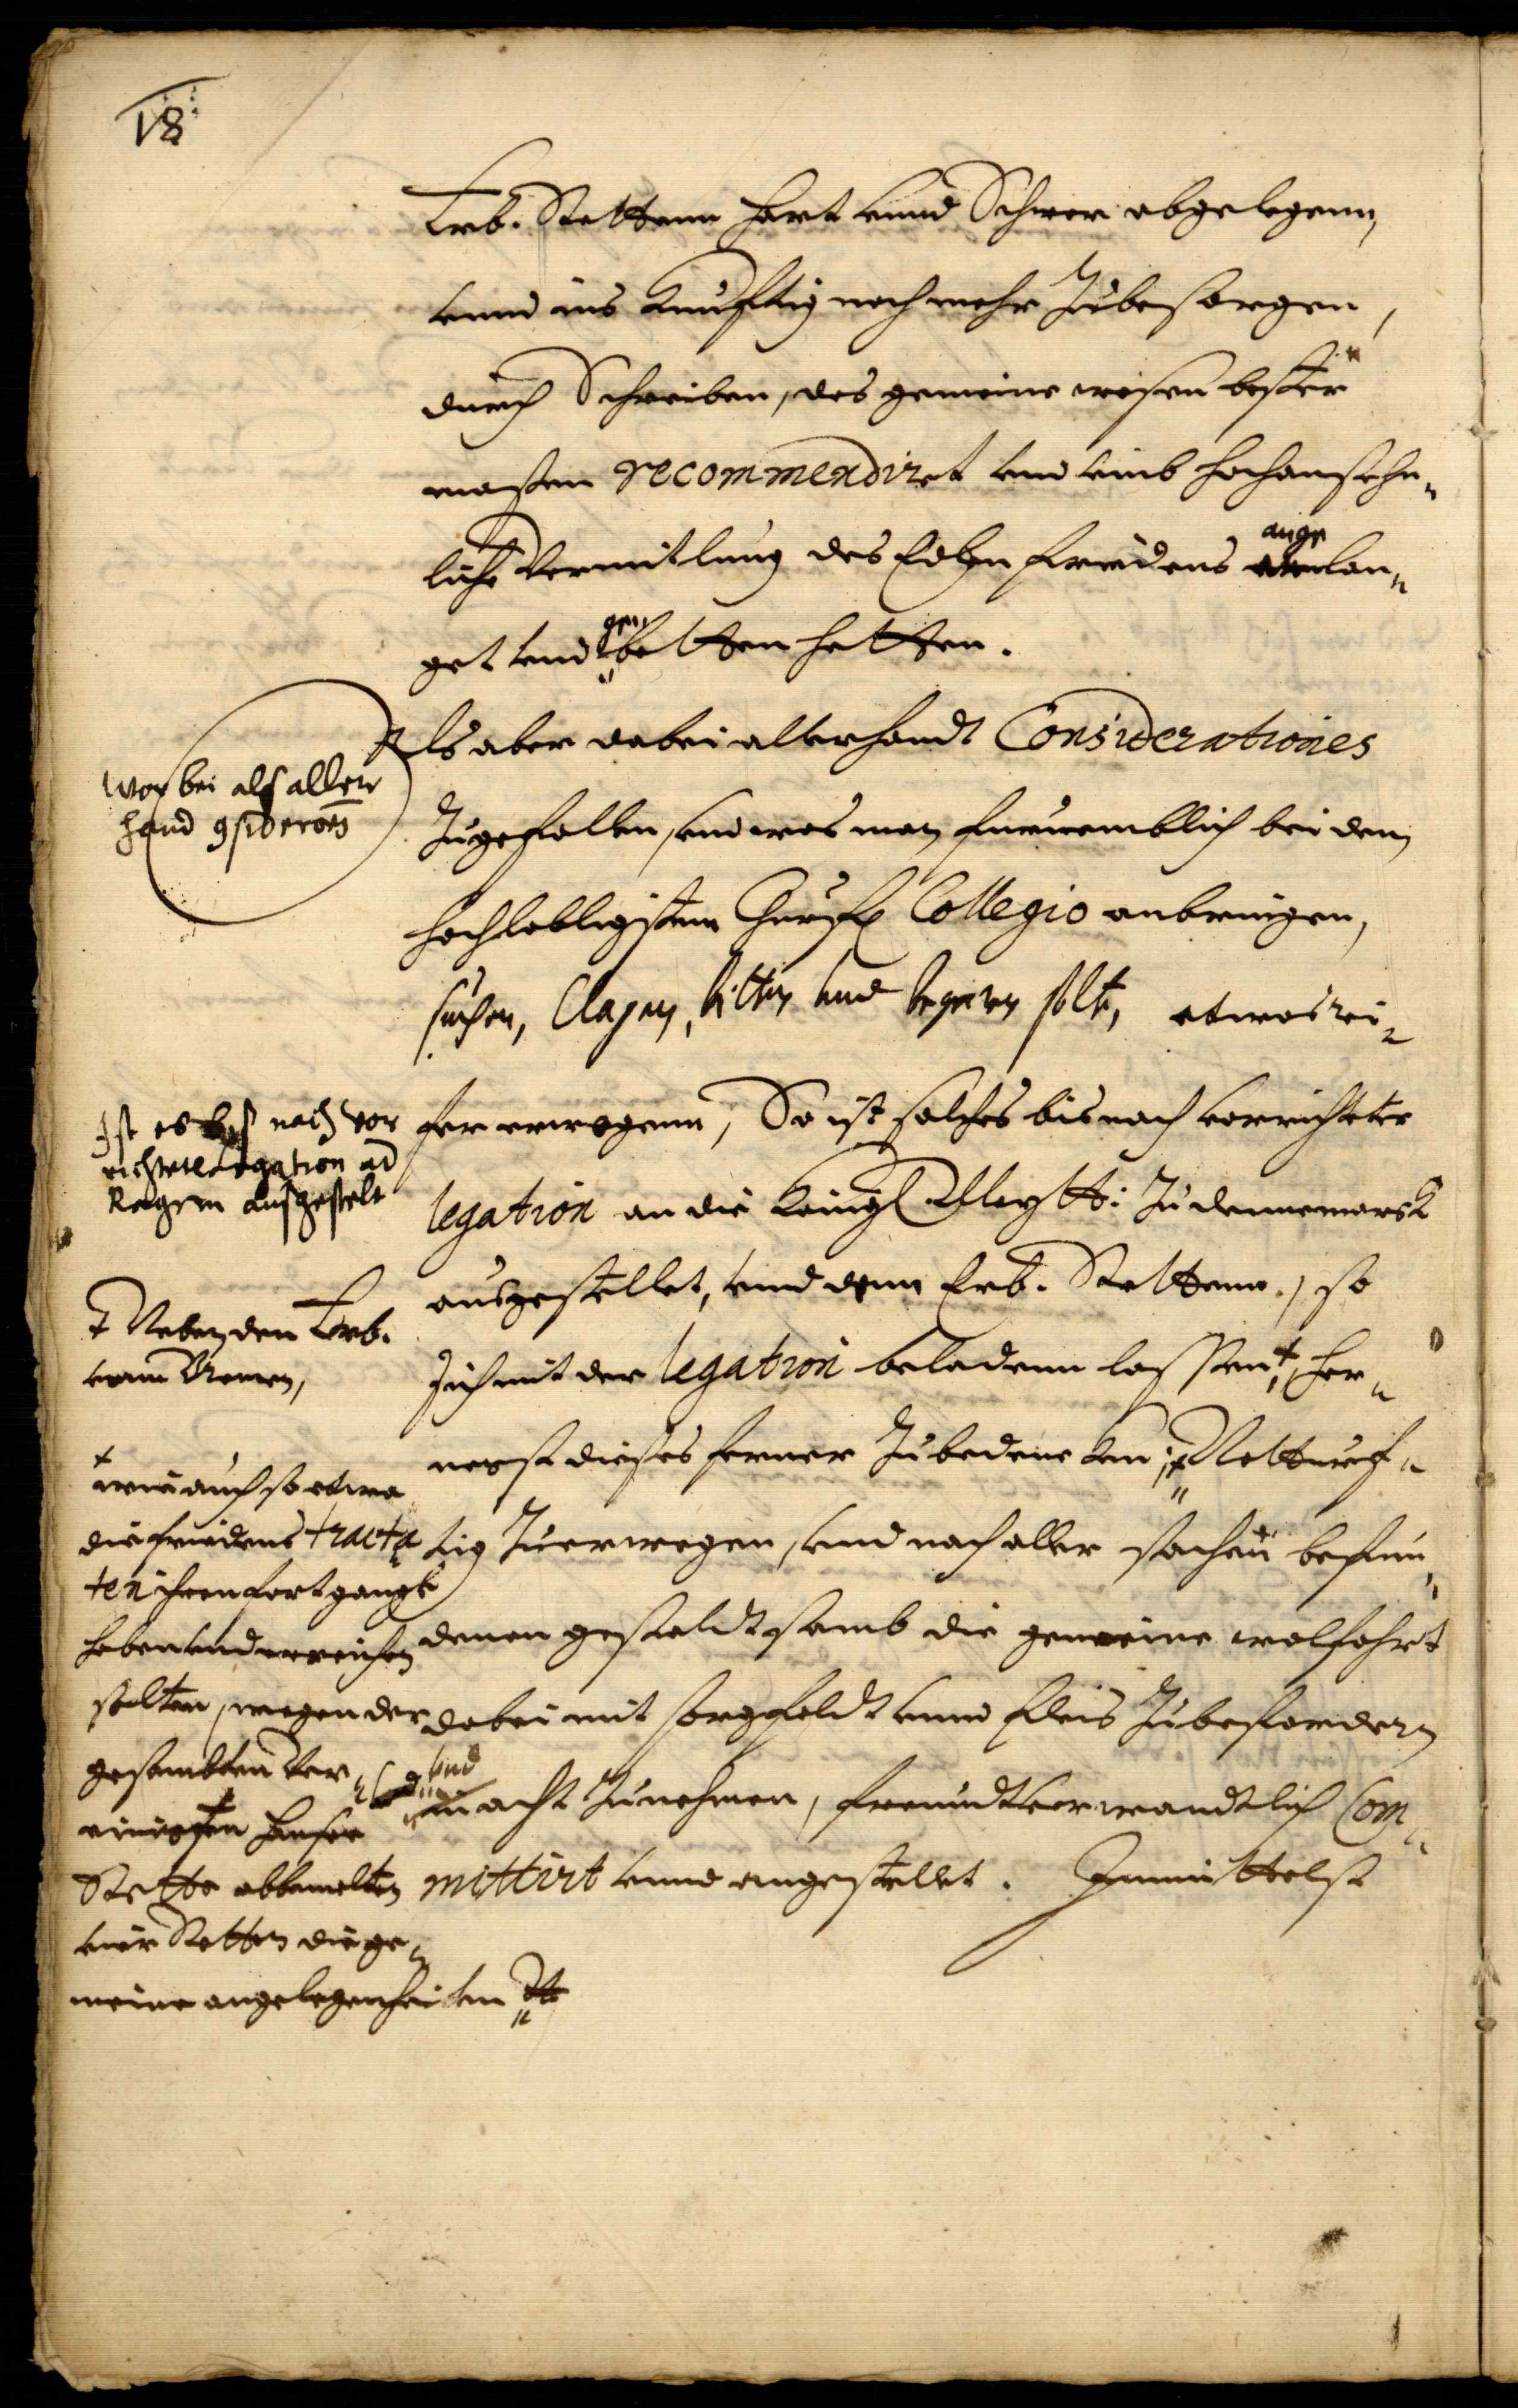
18
Erb. Stettenn hart vnnd Schwer abgelegenn,
vnnd aus kunftig noch mehr zubesorgen,
durch Schreiben, des gemeine wesen bester¬
maßen recommendiret vnd vmb hochansehn¬
ange
liche Vermitlung des Edlen friedens anerlan¬
get vnd gebetten hetten.
Als aber dabei allerhandt Considerationes
zugefallen, vnd was man furnemblich bei dem
hochlobligstem Churfl. Collegio anbringen,
suchen, Clagen, bitten vnd begern solte, etwas rei¬
fer erwegenn, So ist solches bis nach vorrichteter
legation an die Konigl. Maytt: zu dennemarck
ausgestellet, vnnd denn Erb. Stettenn., so
sich mit der legation beladenn lassen, her¬
negst dieses ferner zu bedencken; Notturf¬
tig zuerwegen, vnd nach aller sachen befun¬
denen gestaldt samb die gemeine wolfahrt
dabei mit sorgfaldt vnnd fleis zu befordern
acht zu nehmen, freundverwandtlich Com¬
mittirt vnnd angestellet: Innmittelst
wor bei als aller
hand consideraciones
Ist es nach vor
richtete legation ad
Regem ausgestelt
Neben den Erb.
vonn Bremen,
+ wenn auch so etwa
die friedens tracta
ten ihren fortgangk
haben vnd erreichen
solten, wegen der
gesambten Ver¬
einigten hansee
Stette abbemelten
vier Stetten die ge¬
meine angelegenheiten N
